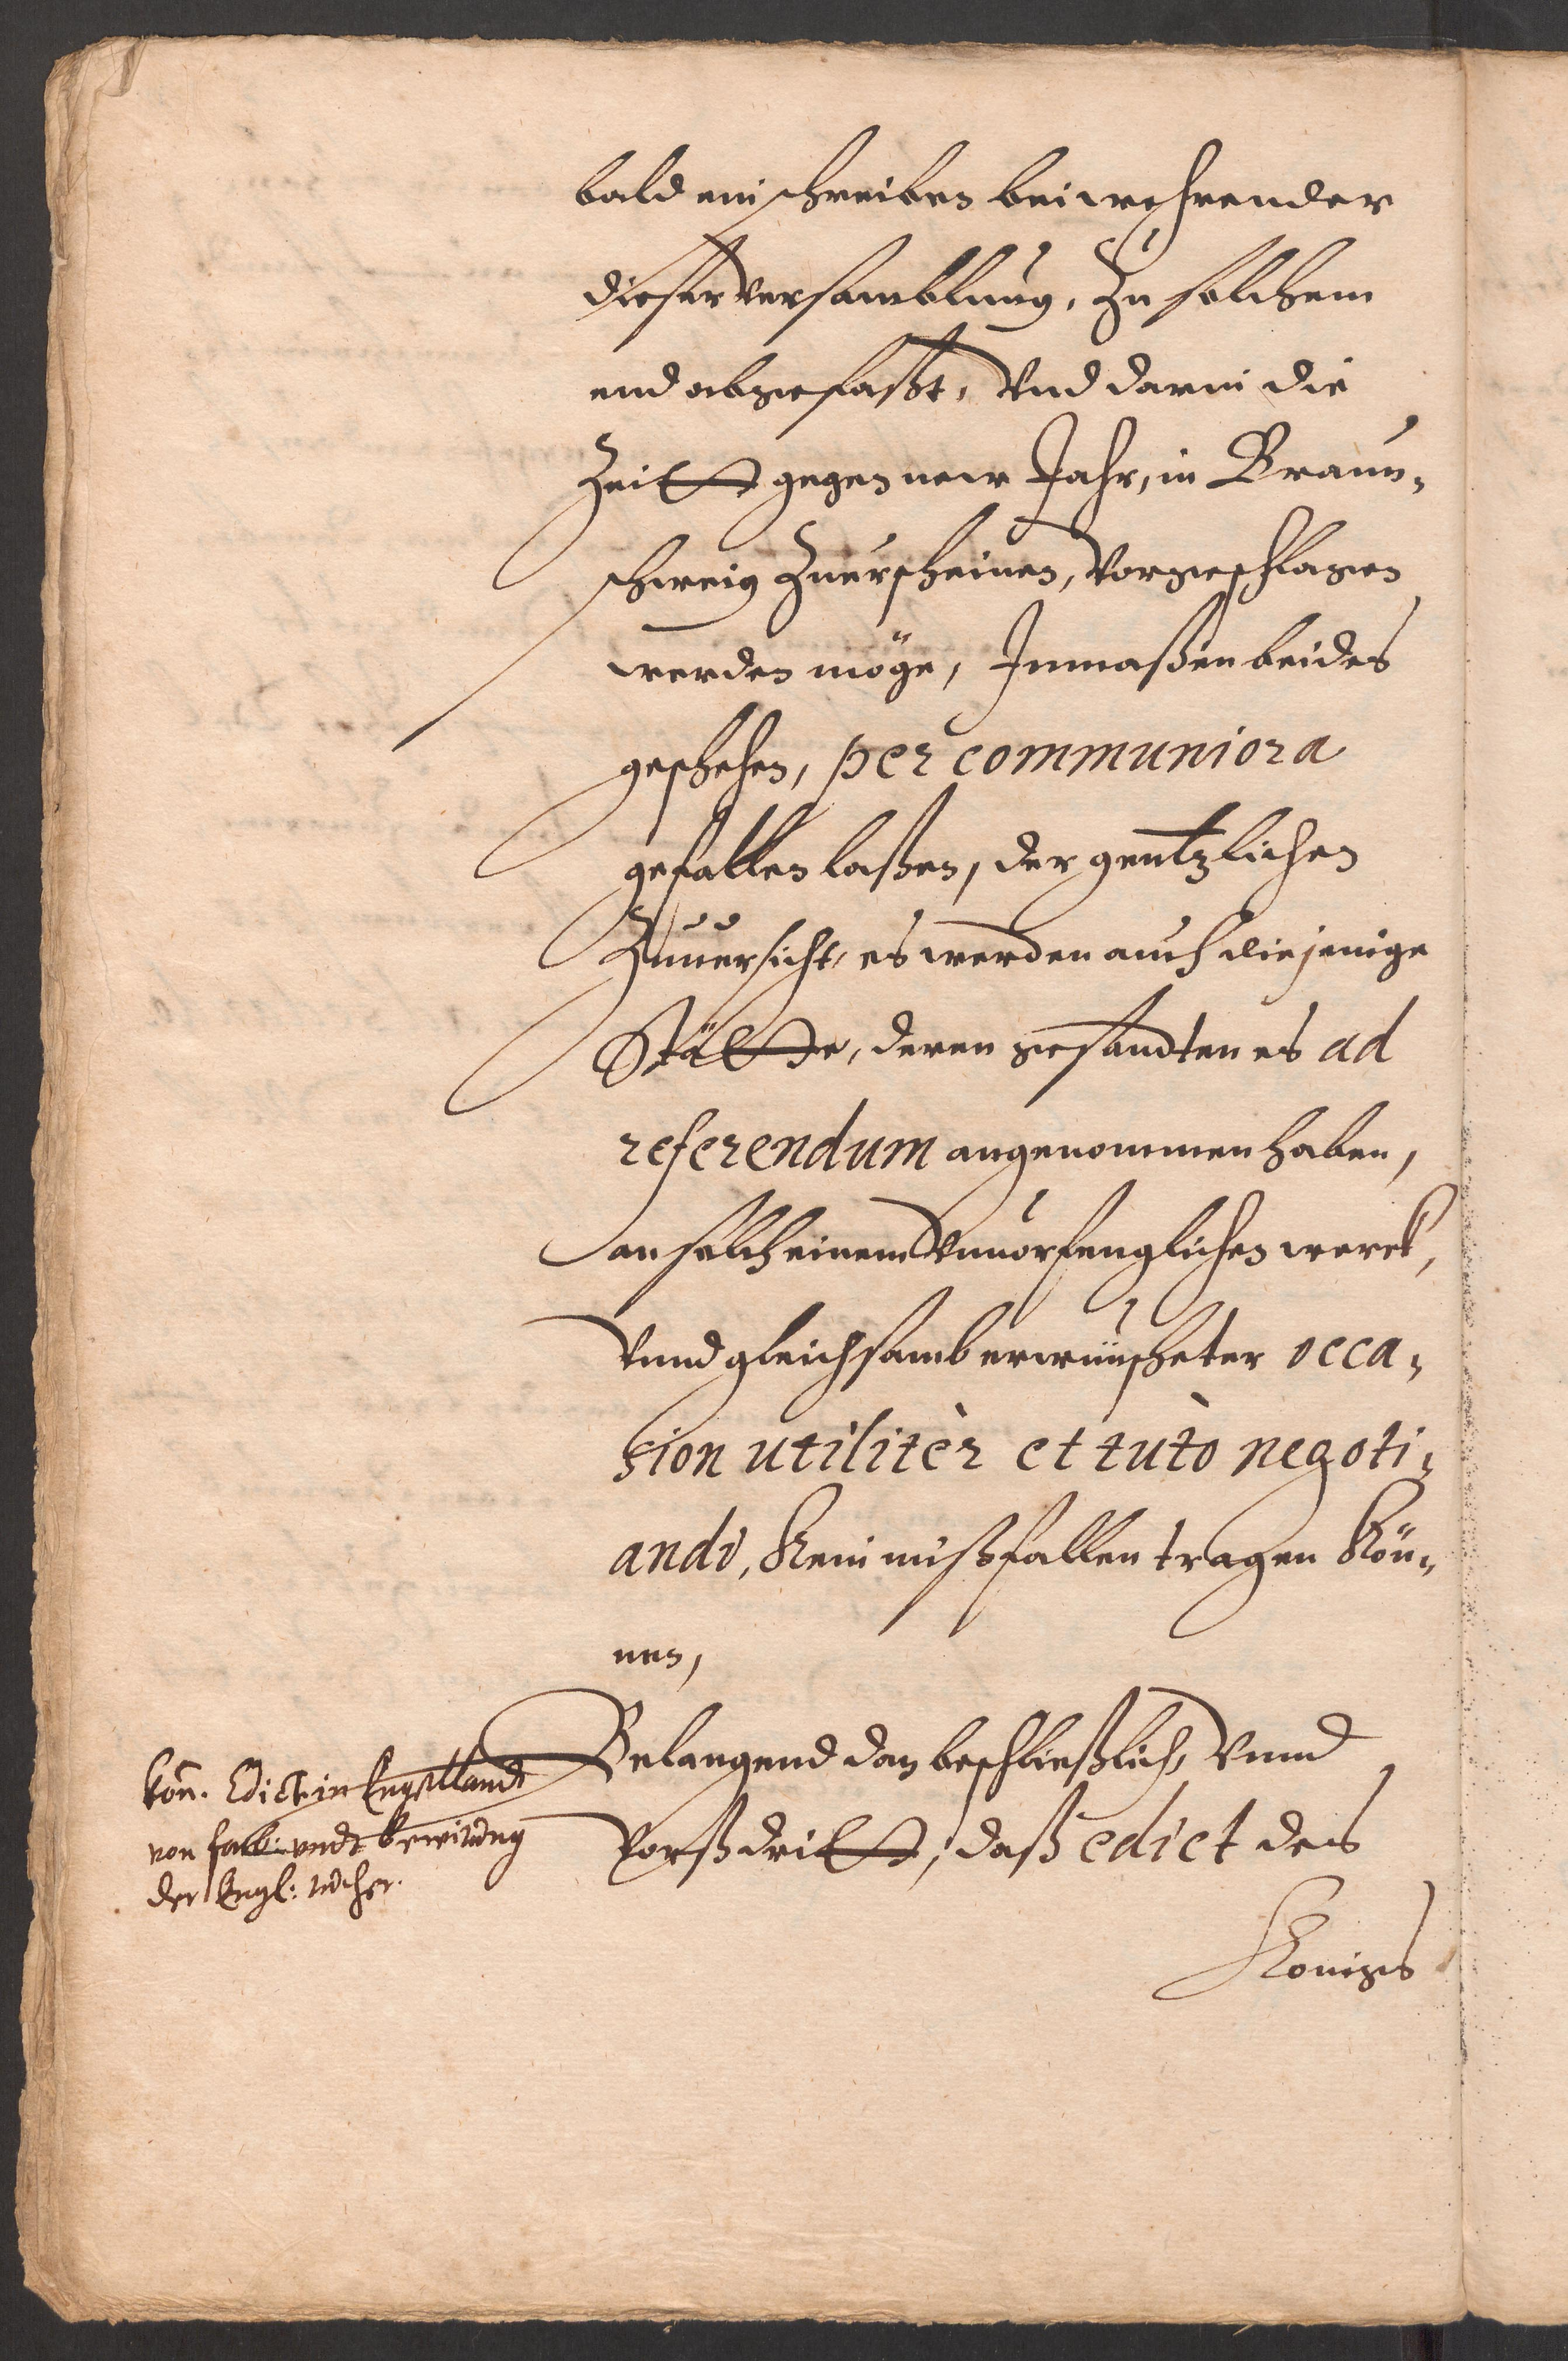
bald ein schreiben bei wehrender
dieser versamblung, zu solchem
end abgefaßt, vnd darin die
zeitt gegen new Jahr, in Braun¬
schweig zuerscheinen, vorgeschlagen
werden möge, Inmaßen beides
geschehen, per communiora
gefallen laßen, der gentzlichen
zuuersicht, es werden auch diejenige
Stätte, deren gesandten es ad
referendum angenommen haben,
ansolch einem vnuorfenglichen werck,
vnd gleichsamb erwünscheter occa¬
sion utiliter et tuto negoti¬
ando, kein mißfallen tragen kön=
nen,
Belangend dan beschließlich, vnnd
vorß dritt, daß edict des
Konigs
Kon. Edict in Engelland
von farb: vndt beritung
der Engl: tucher.
